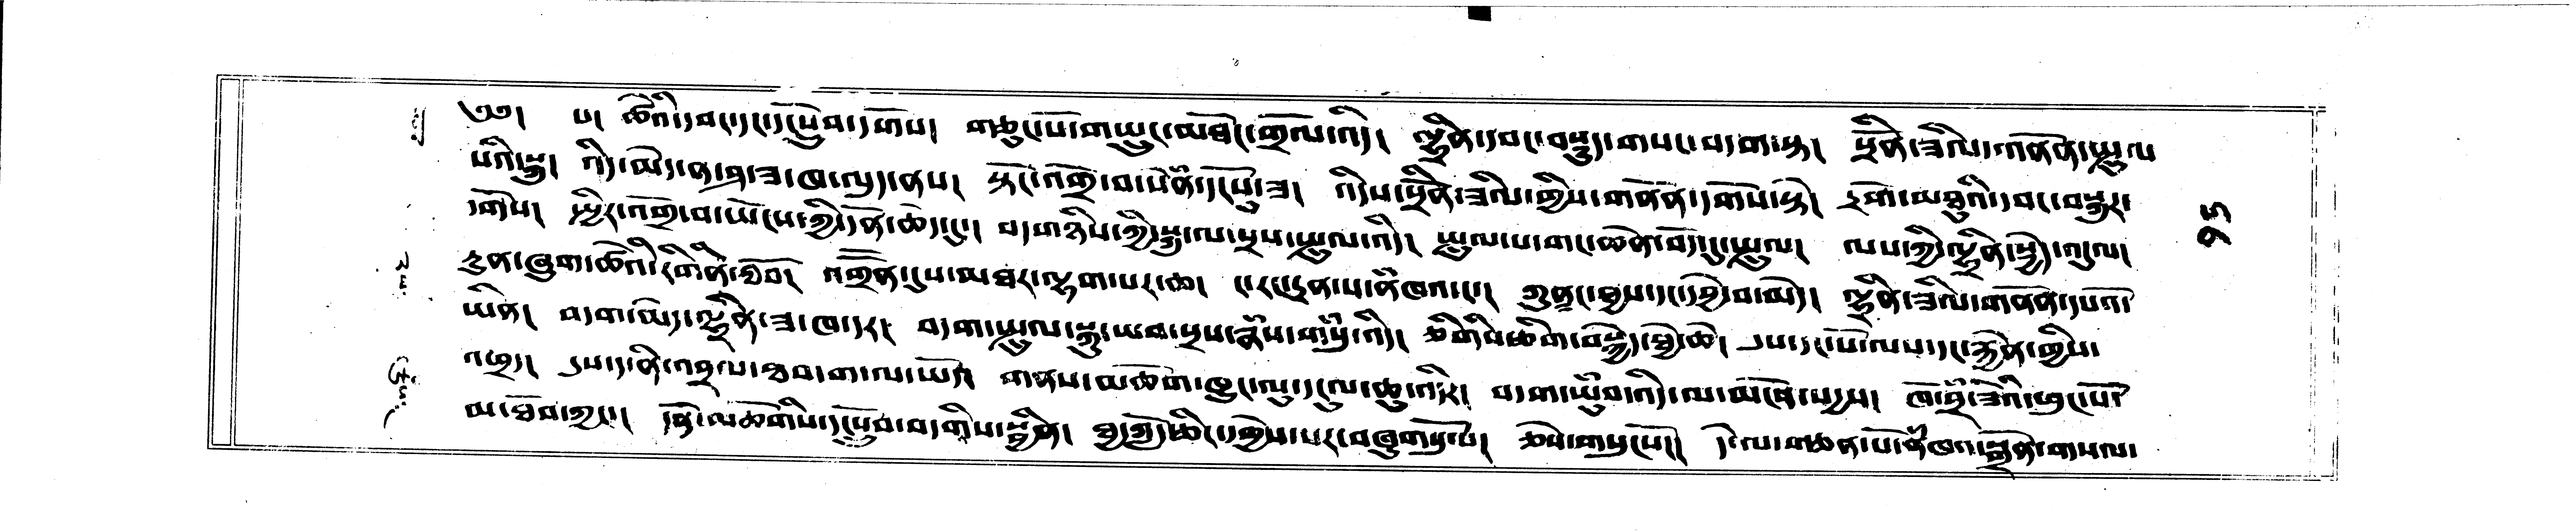པ། ཚེའི་དབང་དང་དངོས་གྲུབ་དགོས། གཅུང་པོ་གཡུང་དྲུང་མཐོང་གྲོལ་འདི། ལྷ་སྲིན་དབང་སྡུད་གསང་བདག་སྟེ། སྲིན་པོ་ཟིལ་གནོན་སྤྲུལ་
པའི་སྐུ། འདི་མེད་ན་ཤ་ཟ་ཁ་ལུད་ནས། སྟོང་འགྲོ་བ་སེམས་ཅན་དངོས་སུ་ཟ། འདིས་སྲིན་པོ་ཟིལ་གྱིས་གནོན་དགོས་ཏེ། དྲག་པོ་མཐུ་ཡིས་དབང་བསྐུར་
དགོས། སྤྱིར་འགྲོ་བ་ཡོངས་ཀྱི་དོན་ཆེད་དུ། བདག་གཉིས་ཀྱི་སྐུ་ལས་སྲས་སྤྲུལ་འདི། སྤྲུལ་པ་གངས་ཅན་བོད་དུ་སྤྲུལ། ལས་ཀྱི་ལྷ་སྲིན་སྡེ་བརྒྱད་འདུལ། 
རྒྱུན་ཞུགས་ཚེ་ཡི་རིག་འཛིན་ཐོབ། འགྲོ་དོན་དུས་མཐར་ལྷག་པར་ཆེ། ང་རང་དྲན་པ་ནམ་མཁའ་ང་། ཀུན་བཟང་ཐུགས་དང་དབྱེ་བ་མེད། ལྷ་སྲིན་ཟིལ་གནོན་དཔའ་བོ་
ཡིན། བདག་མེད་ལྷ་སྲིན་ཟ་ཁ་དར། བདག་སྤྲུལ་སྐུ་ཡབ་སྲས་རྣམ་གསུམ་འདི། གཅིག་གིས་གཅིག་བསྐྱེད་ཐུགས་རྗེ་ཆེ། དུས་དང་པོ་ལས་དང་རྐྱེན་གྱིས་
འཕྲད། དུས་ད་ནི་འབྲལ་ཐབས་ག་ལ་ཡོད། གནས་མཆོག་ཁྱུང་ལུང་དངུལ་ཆུ་འདིར། བདག་ཡབ་ཡུམ་འདི་ལ་མངོན་སངས་རྒྱས། ཁོ་བྲམ་ཟེའི་ཕུང་པོ་
མ་ཐོབ་ཀྱང་། དོན་མཆོག་གི་དངོས་གྲུབ་བདག་གིས་སྦྱིན། ཐུགས་གློད་ཅིང་དགྱེས་པར་བཞུགས་སུ་གསོལ། ཅེས་གསུངས་སོ། །དེ་ལ་གཅེན་པོ་ནམ་མཁའ་སྒྲོན་གསལ་